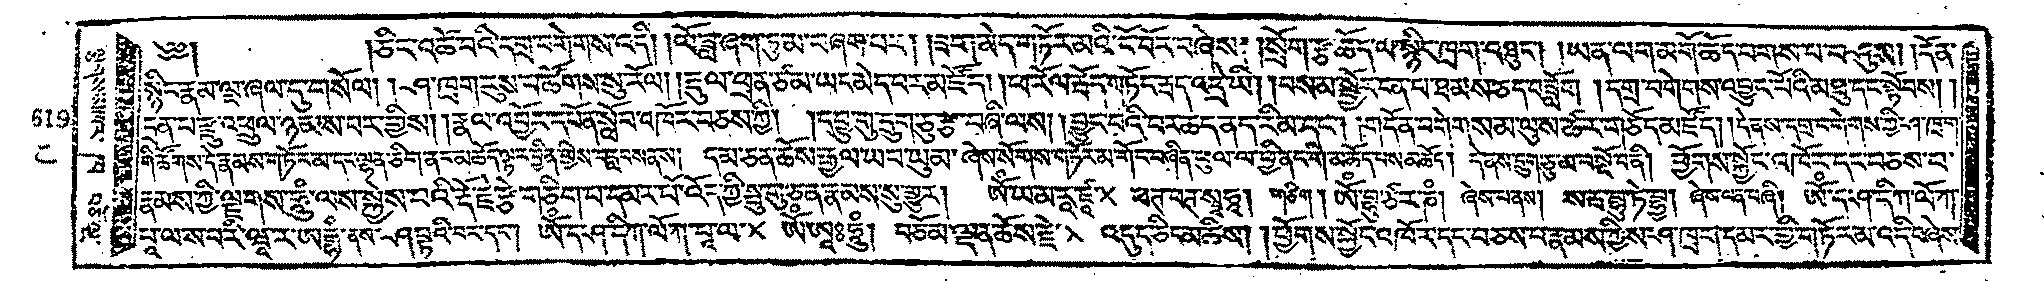༄༅། །ཅིང་འཚེ་བའི་དགྲ་བགེགས་འདི། །ལོ་ཟླ་ཞག་ཏུ་མ་བཞག་པར། །ཟག་མེད་གཏོར་མའི་ངོ་བོར་བཞེས། །སྲོག་རྩ་ཆོད་ལ་སྙིང་ཁྲག་འཐུང་། །ཡན་ལག་མགོ་ཆོད་པགས་པ་བཤུས། །དོན་
སྙིང་རྣམ་ལྔ་ཞལ་དུ་གསོལ། །ཤ་ཁྲག་རུས་པ་ཚོགས་སུ་རོལ། །རྡུལ་ཕྲན་ཙམ་ཡང་མེད་པར་མཛོད། །ཕ་རོལ་རྦོད་གཏོང་རྦད་འདྲེ་ཡི། །བསམ་སྦྱོར་ངན་པ་ཐམས་ཅད་བཟློག །དགྲ་བགེགས་འབྱུང་པོའི་མཐུ་དང་སྟོབས། །
དྲན་པ་རྫུ་འཕྲུལ་ཉམས་པར་གྱིས། །རྣལ་འབྱོར་དཔོན་སློབ་འཁོར་བཅས་ཀྱི། །དབྱུ་གུ་དྲུག་ཅུ་རྩ་བཞི་ལས། །བྱུང་བའི་བར་ཆད་ནད་རིམ་དང་། །གདོན་བགེགས་མ་ལུས་ཚར་གཅོད་མཛོད། །དེ་ནས་དགྲ་བགེགས་ཀྱི་ཤ་ཁྲག་
གི་ཚོགས་དེ་རྣམས་གཏོར་མ་དང་ལྷན་ཅིག་ནང་མཆོད་ལྟར་བྱིན་གྱིས་བརླབས་ནས། དམ་ཅན་ཆོས་རྒྱལ་ཡབ་ཡུམ་ཞེས་སོགས་གཏོར་མ་གོང་བཞིན་ཕུལ་ལ་ཕྱི་ནང་གི་མཆོད་པས་མཆོད། དེ་ནས་དྲུག་ཅུ་མ་བསྔོ་བ་ནི།  ཕྱོགས་སྐྱོང་འཁོར་དང་བཅས་པ་
རྣམས་ཀྱི་ལྗགས་ཧཱུཾ་ལས་སྐྱེས་པའི་རྡོ་རྗེ་རྩེ་གཅིག་པ་དམར་པོ་འོད་ཀྱི་སྦུ་གུ་ཅན་རྣམས་སུ་གྱུར། ཨོཾ་ཡ་མ་རཱ་ཛཱ་྾་ཕཊ་ཕཊ་སྭཱཧཱ། གཅིག་།ཨོཾ་བྷུ་ཙ་ར་ཎཾ། ཞེས་པ་ནས།  སརྦ་བྷུ་ཏེ་བྷྱ། ཞེས་ལན་བཞི།  ཨོཾ་ད་ཤ་དིཀ་ལོ་ཀ་
པཱ་ལ་ས་པ་རི་ཝཱ་ར་ཨརྒྷཾ་ནས་ཤཔྟའི་བར་དང་།  ཨོཾ་ད་ཤ་དིཀ་ལོ་ཀ་པཱ་ལ་྾་ཨོཾ་ཨཱཿཧཱུཾ། བཅོམ་ལྡན་ཆོས་རྗེ་྾་འདུད་ཅིང་མཆིས། །ཕྱོགས་སྐྱོང་འཁོར་དང་བཅས་པ་རྣམས་ཀྱིས་ཤ་ཁྲག་དམར་གྱི་གཏོར་མ་འདི་བཞེས་